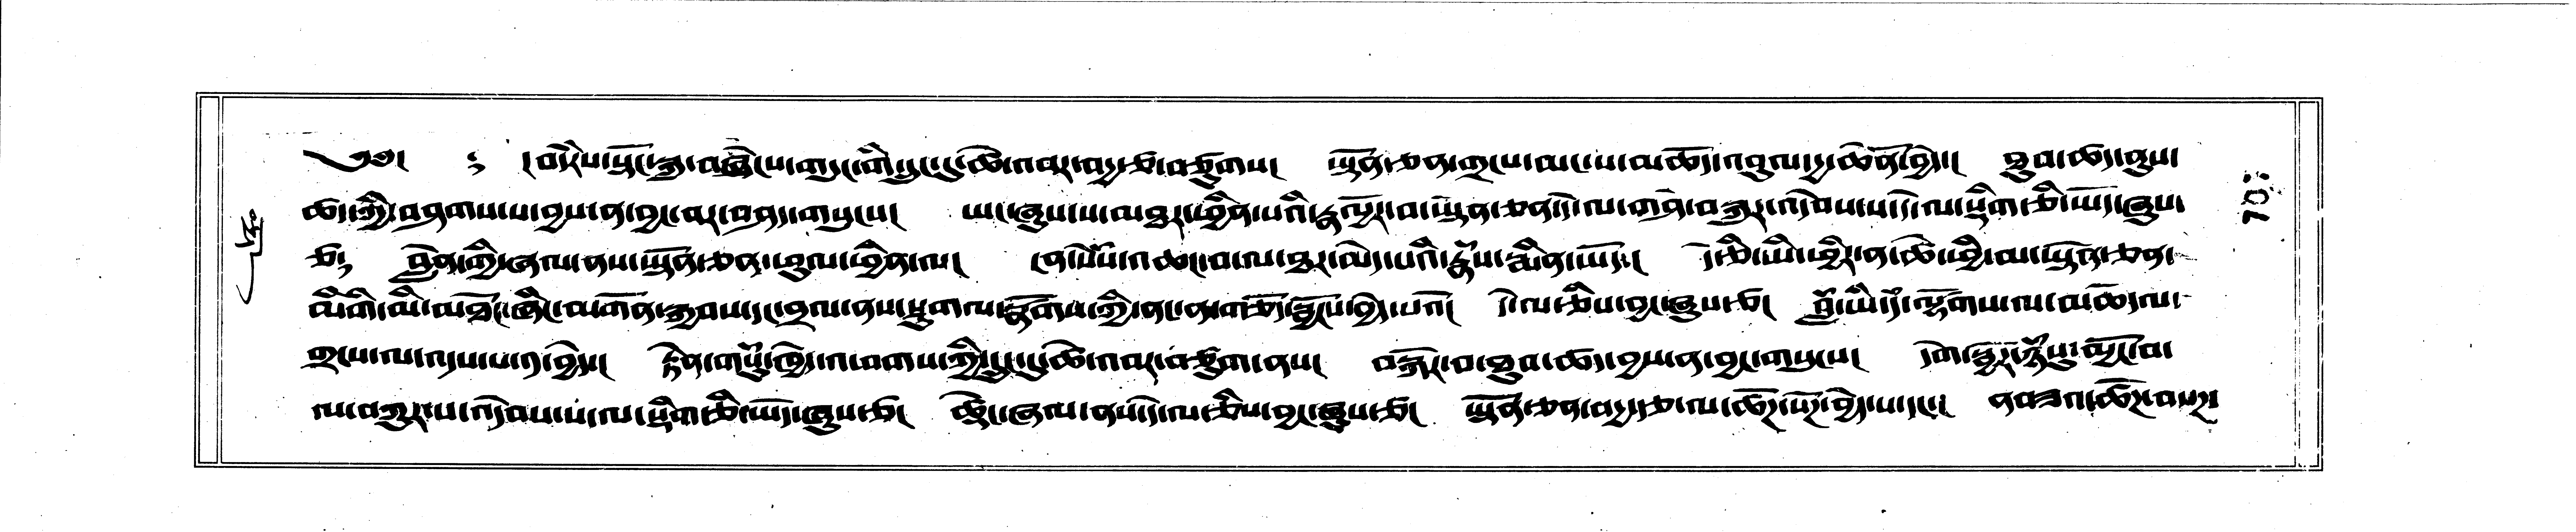བདེར་གཤེགས་སྟོང་སྐུ་བཞེངས་རྟེན་གསུམ་དྲུང་དུ་ཚེ་འབར་‘‘བརྒྱ་རྩ་བཙུགས”། ཡོན་ཏན་ཅན་གྲངས་མང་ལ་མཆོད་འབུལ་རྒྱ་ཆེན་བྱེད། ཐུབ་ཚད་ནུས་
ཀྱི་བཤགས་པ་བྱས་ན་བྱང་གསུངས། ཡང་ཞུས་པ་མཐར་ཕྱིན་དགེ་སྦྱོར་བ་ཡོན་ཏན་ཅན་ལ་གཤེན་སྐུར་དྷེབས་(འདེབས)པ་དེ་ལ། སྡིག་པ་་ཅི་ཡོད་ཞུས་
ཙ། བླ་ཆེན་གྱིས་ཞལ་ནས། ཡོན་ཏན་ཅན་ཕུལ་ཕྱིན་ལ་མངན་སེམས་འཆང་བའི་མི་ལ་ཐར་མེད་པའི་རྣམ་སྨིན་ཡོད། དེ་ཅིའི་ཕྱིར་ན། ཚེ་ཕྱི་མ་ཡོན་ཏན་ཅན་
མི་མཐོང་ཞིང་། མགོན་སྐྱབས་དང་བྲལ་ནས་སྡུག་སྔལ་སྦྱོང་ཞིང་གཅོད་སྦྱོང་བྱེད་པའོ། དེ་ཅིས་བྱང་ཞུས་ཙ། བླ་མ་ཡི་དམ་ལྷ་ཚོཌ་ལ། མཆོད་འབུལ་
གྲངས་ལ་འདས་པ་བྱེད། རྟེན་གསུམ་ཁྱད་འཕཌ་གིས་དྲུང་ན། ཚེ་བྷར་(འབར)བཙུཌ་ནས་ཕྱག་དང་ སྐོར་བ་ཐུབ་ཚད་བྱས་ནས་བྱང་གསུངས། དགེ་སྦྱོར་ཉམས་སུ་མྱོང་བ་
ལ་སྐུར་པ་འདེབས་པ་ལ་སྡིག་པ་ཅི་ཡོད་ཞུས་ཙ། ཚེ་དབང་གིས་ཞལ་ནསདེ་ཅིས་བྱང་ཞུས་ཙ། ཡོན་ཏན་ཅན་བརྒྱ་རྩ་རྒྱད་ལ་འཚོ་བ་འདྲེན་པ་དང་། ནབ་བཟའི་